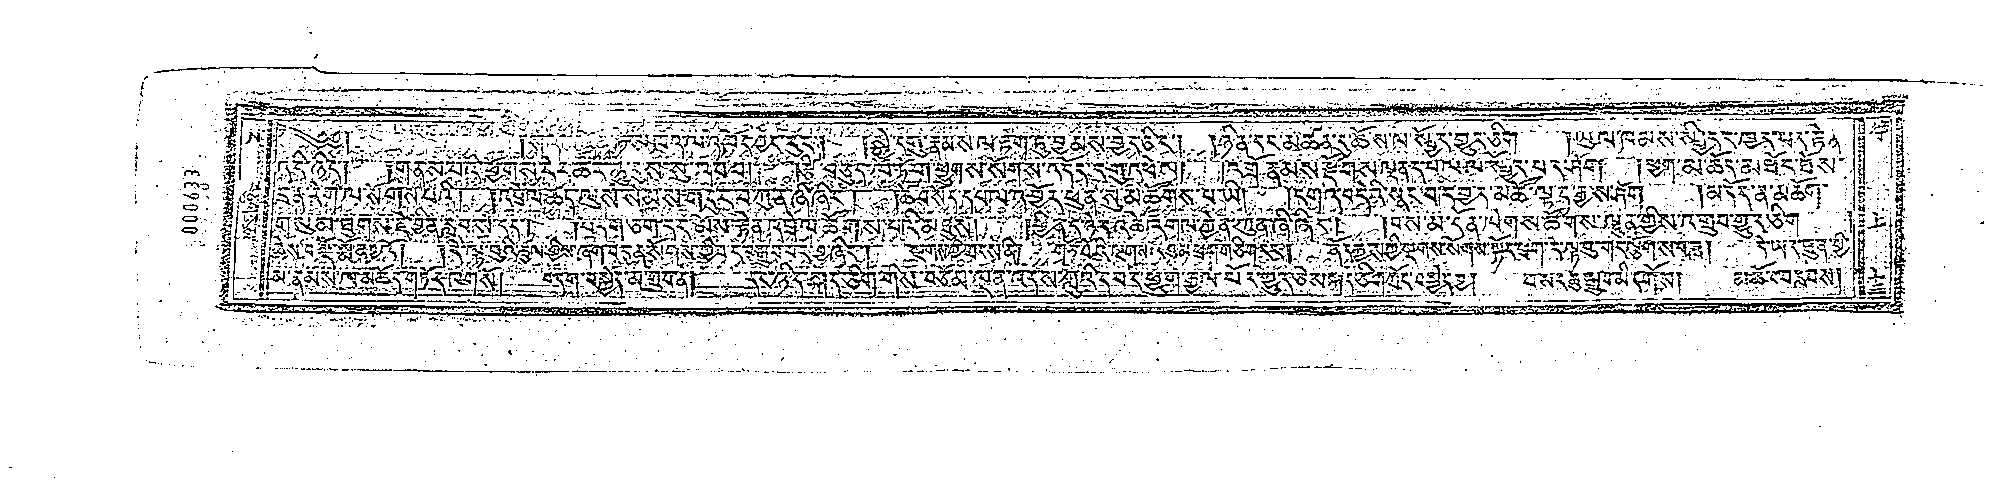༄༅། །སའམ་འོན་ཏེ་མཁའ་ལ་འཁོར་ཀྱང་རུང་། །སྐྱེ་དགུ་རྣམས་ལ་རྟག་ཏུ་བྱམས་བྱེད་ཅིང་། །ཉིན་དང་མཚན་དུ་ཆོས་ལ་སྤྱོད་གྱུར་ཅིག །ཡུལ་ཁམས་སྤྱི་དང་ཁྱད་པར་རྟེན་
འདི་ཉིད། །གནས་པའི་ཕྱོགས་དེར་ཆར་ཆུ་དུས་སུ་འབབ། །རྩི་བཅུད་ལོ་ཏོག་ཕྱུགས་སོགས་འདོད་དགུ་འཕེལ། །འགྲོ་རྣམས་རྫོགས་ལྡན་དཔལ་ལ་སྤྱོད་པར་ཤོག །ཕྱག་མཆོད་མཐོང་ཐོས་
དྲན་རེག་ལ་སོགས་པའི། །འབྲེལ་ཚད་ལུས་སེམས་གདུང་བ་ཀུན་ཞི་ཞིང་། །ཚེ་བསོད་དཔལ་འབྱོར་ཕུན་སུམ་ཚོགས་པ་ཡི། །དགའ་བདེའི་སྣང་བ་དབྱར་མཚོ་ལྟར་རྒྱས་ཤོག །མདོར་ན་མཆོག་
གསུམ་ཐུགས་རྗེ་བྱིན་རླབས་དང་། །བདག་ཅག་དང་མོས་རྟེན་འབྲེལ་ཚོགས་པའི་མཐུས། །ཕྱི་ནང་ཉེར་འཚེ་འགལ་རྐྱེན་ཀུན་ཞི་ཞིང་། །བསམ་དོན་ལེགས་ཚོགས་ལྷུན་གྱིས་འགྲུབ་གྱུར་ཅིག །
ཅེས་བསྔོ་སྨོན་བྱའོ། །དེ་ལྟ་བུའི་ཚུལ་གྱིས་ཞག་བདུན་སོགས་ཀྱི་བར་བསྒྲུབ་པར་བྱ་ཞིང་། སྔགས་ཀྱི་གྲངས་ནི། གཙོ་བོའི་སྔགས་འབུམ་ཕྲག་གཅིག་དང་། ནོར་རྒྱས་ཀྱི་སྔགས་སོགས་སྟོང་ཕྲག་དེ་ལྟ་བུ་གང་ལྕོགས་བཟླ། དེ་ཡང་ཐུན་ཕྱི་
མ་རྣམས་ལ་མཆོད་གཏོར་ལག་སོ། །བདག་བསྐྱེད་མ་གྲུབ་ན། རང་ཉིད་སྐད་ཅིག་གིས་བཅོམ་ལྡན་འདས་ཀླུའི་དབང་ཕྱུག་རྒྱལ་པོར་གྱུར་ཅེས་སྐད་ཅིག་ཀྲོང་བསྐྱེད་བྱ། བསང་ཆུ་སྒྲུབ་མི་དགོས། མཆོད་བ་རླབས།